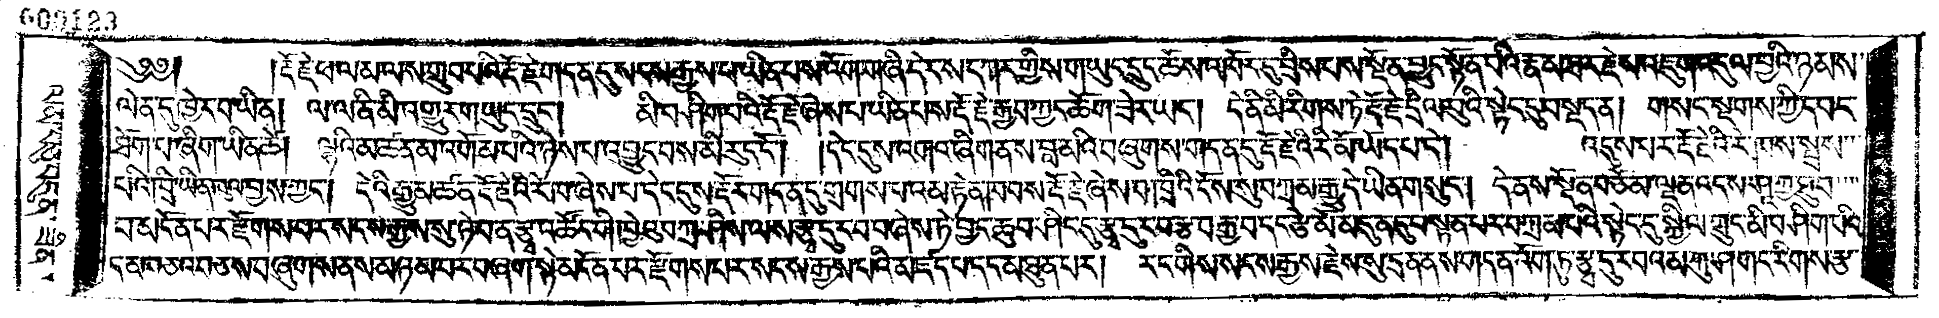༄༅། །རྡོ་རྗེ་ཕ་ལམ་ལས་གྲུབ་པའི་རྡོ་རྗེ་གདན་དུ་སངས་རྒྱས་པ་ཡིན་པས་འོག་གཞི་དེར་ས་དཀར་གྱིས་གཡུང་དྲུང་ཆོས་འཁོར་དུ་བྲིས་པས་སྔོན་བྱུང་སྟོན་པའི་རྣམ་ཐར་རྗེས་འཇུག་འདུལ་བྱའི་ཉམས་
ལེན་དུ་ཁྱེར་བ་ཡིན། ལ་ལ་ནི་མི་འགྱུར་གཡུང་དྲུང་། མི་བཤིག་པའི་རྡོ་རྗེ་ཞེས་པ་ཡིན་པས་རྡོ་རྗེ་རྒྱབ་ཀྱང་ཆོག་ཟེར་ཡང་། དེ་ནི་མི་རིགས་ཏེ་རྡོ་རྗེ་དྲིལ་བུའི་སྟེང་དུ་བསྡད་ན། གསང་སྔགས་ཀྱི་དབང་
ཐོག་པ་ཞིག་ཡིན་ཚེ། ལྷའི་མཚན་མ་འགོམ་པའི་ཉེས་པ་འབྱུང་བས་མི་རུང་ངོ། །དེང་དུས་འགའ་ཞིག་ནས་བླ་མའི་བཞུགས་གདན་དུ་རྡོ་རྗེའི་རི་མོ་ཡོད་པ་དེ། འདུས་པར་རྡོ་རྗེའི་རེ་ཁས་སྤྲས་
པའི་ཁྲི་ཡིན་ཁུལ་བྱས་ཀྱང་། དེའི་རྒྱུ་མཚན་རྡོ་རྗེའི་རེ་ཁ་ཞེས་པ་དེང་དུས་རྡོར་གདན་དུ་གྲགས་པའམ་རྟེན་ཁབས་རྡོ་རྗེ་ཞེས་པ་ཁྲིའི་ངོས་སུ་བཀྲམ་རྒྱུ་དེ་ཡིན་གསུང་། དེ་ནས་སྔོན་བཅོམ་ལྡན་འདས་ཤཱཀྱ་ཐུབ་
པ་མངོན་པར་རྫོགས་པར་སངས་རྒྱས་སུ་ཉེ་བ་ན་རྩྭ་འཚོང་གི་ཁྱེའུ་བཀྲ་ཤིས་ལས་རྩྭ་དུར་བ་བཞེས་ཏེ་བྱང་ཆུབ་ཤིང་དུ་རྩྭ་དུར་བ་རྩ་བརྒྱ་བ་དང་རྩེ་མོ་མདུན་དུ་བསྟན་པར་བཀྲམ་པའི་སྟེང་དུ་སྐྱིལ་ཀྲུང་མི་བཤིག་པའི་
དམ་བཅའ་བཅས་བཞུགས་ནས་མཉམ་བར་བཞག་སྟེ་མངོན་པར་རྫོགས་པར་སངས་རྒྱས་པའི་མཛད་པ་དང་མཐུན་པར། རང་གིས་སངས་རྒྱས་རྗེས་སུ་དྲན་ནས་གདན་འོག་ཏུ་རྩྭ་དུར་བའམ་ཀུ་ཤ་གང་རིགས་རྩ་